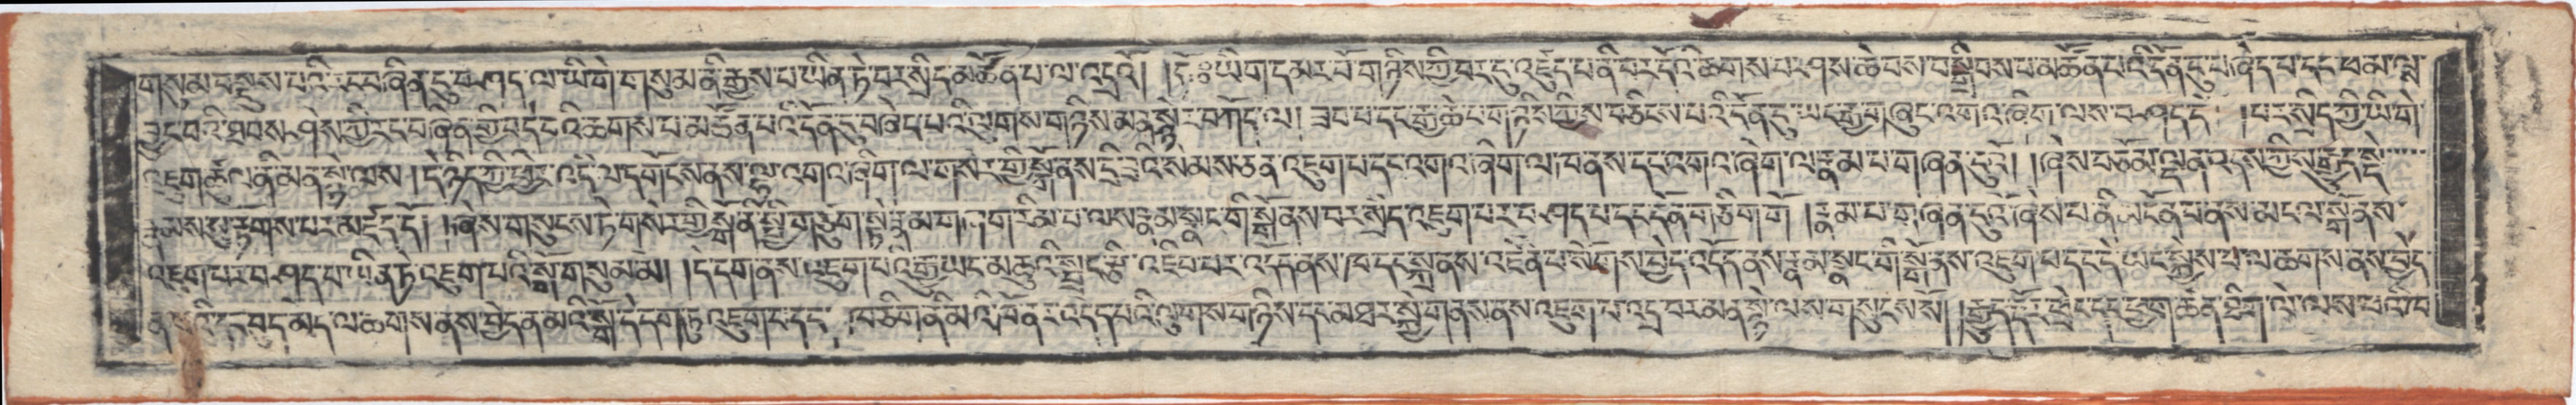གསུམ་བསྡུས་པའི་རང་བཞིན་དུ་བཤད་ལ་ཡི་གེ་གསུམ་ནི་རྒྱས་པ་ཡིན་ཏེ་བར་སྲིད་མཚོན་པ་ལ་འདྲའོ། །ཧོཿ ཡིག་དམར་བོ་གཉིས་ཀྱི་བར་དུ་འཛུད་པ་ནི་བར་དོའི་ཆགས་པ་ཤས་ཆེ་བས་བསྒྲིབས་པ་མཚོན་པའི་དོན་དུ་བཞེད་པ་དང་ཕ་མ་ལས་
བྱུང་བའི་ཐབས་ཤེས་ཀྱི་རང་བཞིན་གྱི་བདེ་བའི་ཆགས་པ་མཚོན་པའི་དོན་དུ་བཞེད་པའི་ལུགས་གཉིས་མན་སྙེར་བཀོད་ལ། ཟབ་པ་དང་རྒྱ་ཆེ་པ་གཉིས་ཀྱིས་བཅིངས་པའི་དོན་དུ་ཡང་རྒྱ་གཞུང་འགའ་ཞིག་ལས་བཤད་དོ། །བར་སྲིད་ཀྱི་ཡི་གེ་
འཇུག་ཚུལ་ནི་མན་སྙེ་ལས། དེ་ཉིད་ཀྱི་ཕྱིར་འདི་ལ་དགོངས་ནས་ལྷ་འགའ་ཞིག་ལ་གསེར་གྱི་སྒོ་ནས་དྲི་ཟའི་སེམས་ཅན་འཇུག་པ་དང་འགའ་ཞིག་ལ་ཁ་ནས་དང་འགའ་ཞིག་ལ་རྣམ་པ་གཞན་དུའོ། །ཞེས་བཅོམ་ལྡན་འདས་ཀྱིས་རྒྱུད་སྡེ་
རྣམས་སུ་རྟོགས་པར་མཛད་དོ། །ཞེས་གསུངས་ཏེ་གསེར་གྱི་སྒོ་ནི་སྤྱི་གཙུག་སྟེ་རྣམ་གཞག་རིམ་པ་ལས་རྣམ་སྣང་གི་སྒོ་ནས་བར་སྲིད་འཇུག་པར་བཤད་པ་དང་དོན་གཅིག་གོ །རྣམ་པ་གཞན་དུའོ་ཞེས་པ་ནི་མངོན་པ་ནས་མངལ་སྒོ་ནས་
འཇུག་པར་བཤད་པ་ཡིན་ཏེ་འཇུག་པའི་སྒོ་གསུམ་མོ། །དེ་དག་ནས་འཇུག་པའི་རྒྱུ་ཡང་མཆུའི་སྤྲང་རྩི་འཇིབ་པར་འདོད་ནས་ཁ་དང་སྐྲ་ནས་འཛིན་པ་སོགས་བྱེད་འདོད་ནས་རྣམ་སྣང་གི་སྒོ་ནས་འཇུག་པ་དང་དེ་ཡང་སྐྱེས་པ་ལ་ཆགས་ནས་བྱེད་
ན་ཕའི་དང་བུད་མེད་ལ་ཆགས་ནས་བྱེད་ན་མའི་སྒོ་དེ་དག་ཏུ་འཇུག་པ་དང་། ཁ་ཅིག་ནི་མའི་ཁོ་ནར་འདོད་པའི་ལུགས་གཉིས་དང་མཐར་སྐྱེ་གནས་ནས་འཇུག་པ་འདྲ་བར་མན་སྙེ་ལས་གསུངས་སོ། །རྒྱུད་རྡོར་ཕྲེང་དང་ཕྱག་ཆེན་ཐིག་ལེ་ལས་པའི་ཁ་